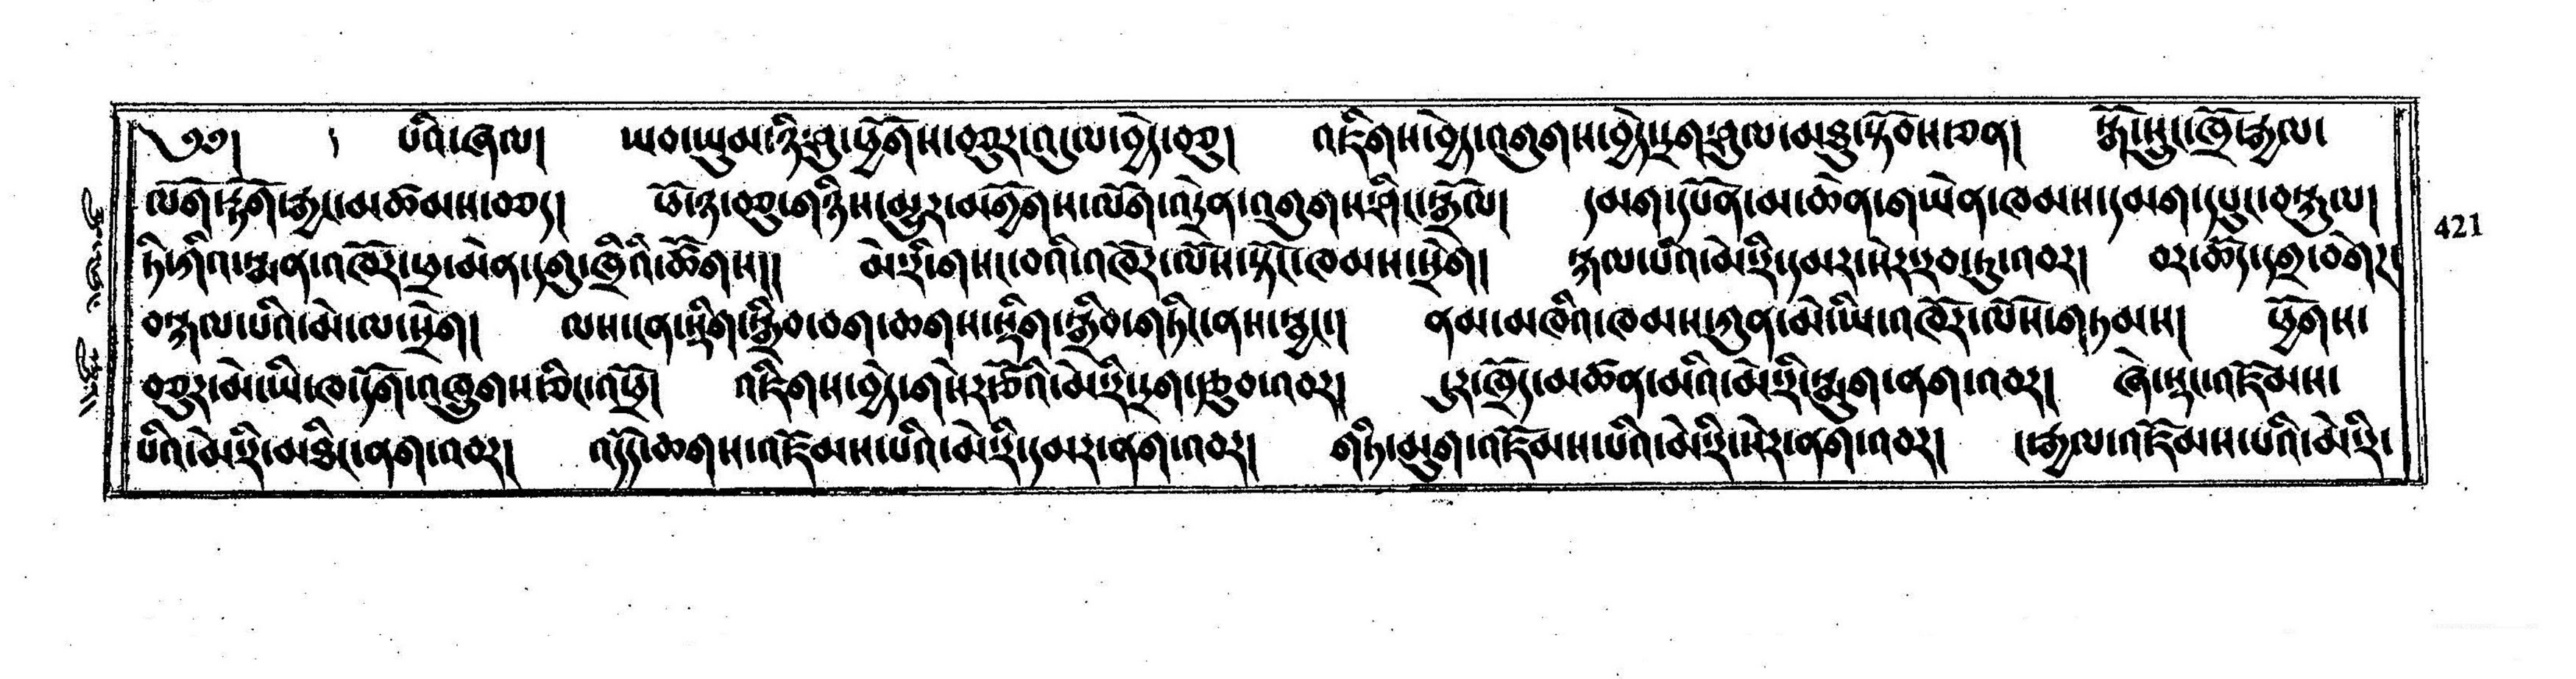པའི་{431}ཞལ། ཡབ་ཡུམ་ཉི་ཤུ་ཕྱོགས་བཅུར་འདུལ་བྱེད་བཅུ། འཇིགས་བྱེད་འགུགས་བྱེད་དྲག་ཤུལ་མཐུ་སྟོབས་ཅན། སྒོ་སྲུང་ཁྲོ་རྒྱལ་
ལོག་རྟོག་རྒྱང་མཚམས་བཅད། ཕོ་ཉ་བཅུ་གཉིས་མྱུར་མགྱོགས་ལོག་འདྲེན་འགུགས་ཤིང་སྒྲོལ། དམག་དཔོན་མ་ཆེན་གཡེན་ཁམས་དམག་དཔུང་བསྐུལ། 
ཏི་ཀའི་སྨན་འཁོར་ཕྲ་མེན་དགུ་ཁྲིའི་ཚོགས།། མེ་རི་གསང་བའི་འཁོར་ལོས་སྟོང་ཁམས་སྲེག བསྐལ་པ་མེ་རི་དམར་སེར་རབ་ཏུ་འབར། བར་ཆོད་དགྲ་བགེགས་
བསྐལ་པའི་མེ་ལ་སྲེག ལས་ངན་བག་ཆགས་སྡིག་སྒྲིབ་གཏིང་ནས་སྦྱང་། ནམ་མཁའི་ཁམས་ཀུན་མེ་ཡི་འཁོར་ལོས་གཏམས། ཕྱོགས་
བཅུར་མེ་ཡི་ཁ་དོག་འཁྲུགས་ཅིང་འཕྲོ། འཇིགས་བྱེད་གསེར་ཙོའི་མེ་རི་དྲག་རྩུབ་འབར། དུར་ཁྲོད་མཚན་མའི་མེ་རི་སྨུག་ནག་འབར། ཞེ་སྡང་འཇོམས་
པའི་མེ་རི་མཐིང་ནག་འབར། འདོད་ཆགས་འཇོམས་པའི་མེ་རི་དམར་ནག་འབར། གཏི་མུག་འཇོམས་པའི་མེ་རི་སེར་ནག་འབར། ང་རྒྱལ་འཇོམས་པའི་མེ་རི་{432}